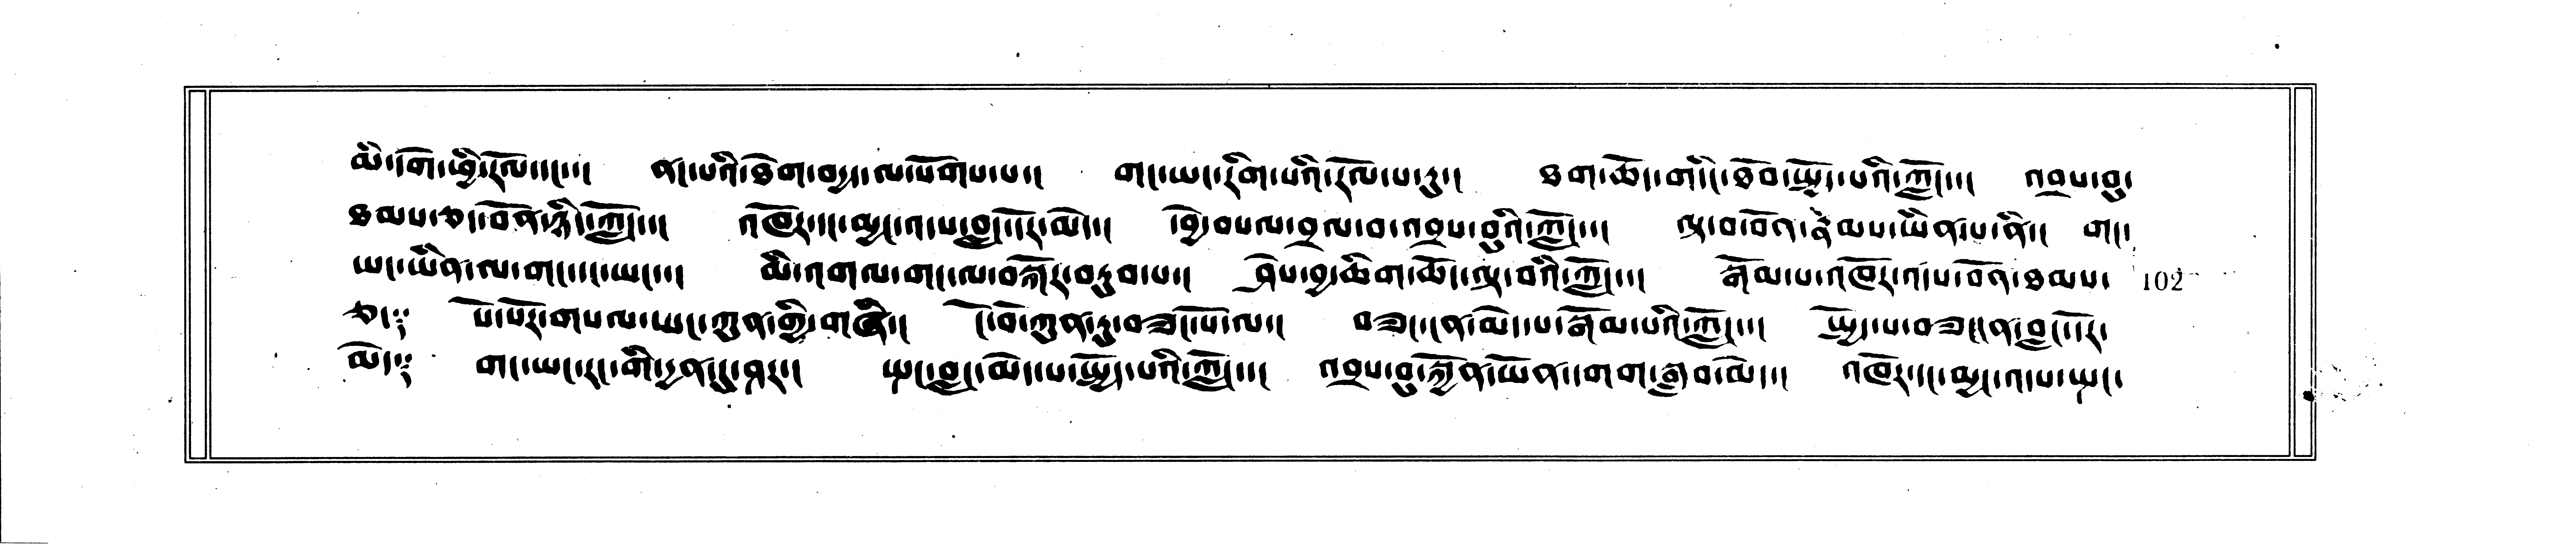མི་དགེ་ཕྱི་རོལ་དང་། །ནང་པའི་ཐེག་བརྒྱད་ལ་སོགས་པ། །གང་ཡང་རིག་པའི་རོལ་པ་རུ། །ཐག་ཆོད་གདེང་ཐོབ་སྤྱོད་པའི་ཀློང་། །འབྲས་བུ་
ཐམས་ཅད་བོན་ཉིད་ཀློང་། །འཁོར་དང་མྱང་འདས་བླང་དོར་མེད། །དབྱེ་བསལ་བྲལ་བ་འབྲས་བུའི་ཀློང་། །ལྟ་བ་བོན་རྣམས་ཡིན་པ་ནི། །གང་
ཡང་ཡིན་ལ་གང་དང་ཡང་། །མི་འགལ་གང་ལ་བསྐོར་བཏུབ་པ། །ཤེས་བྱ་ཆིག་ཆོད་ལྟ་བའི་ཀློང་། །སྒོམ་པ་འཁོར་འདས་བོན་ཐམས་
ཅད། །སོ་སོར་གསལ་ཡང་ཀུན་གྱི་གཞི། །ངོ་བོ་ཀུན་ཏུ་བཟང་པོ་ལ། །བཟང་ངན་མེད་པ་སྒོམ་པའི་ཀློང་། །སྤྱོད་པ་བཟང་ངན་བླང་དོར་
མེད། །གང་ཡང་རང་གི་རྒྱན་དུ་ཤར། །སྤང་བླང་མེད་པ་སྤྱོད་པའི་ཀློང་། །འབྲས་བུ་སྐྱོན་ཡོན་དགག་སྒྲུབ་མེད། །འཁོར་དང་མྱང་འདས་སྤང་